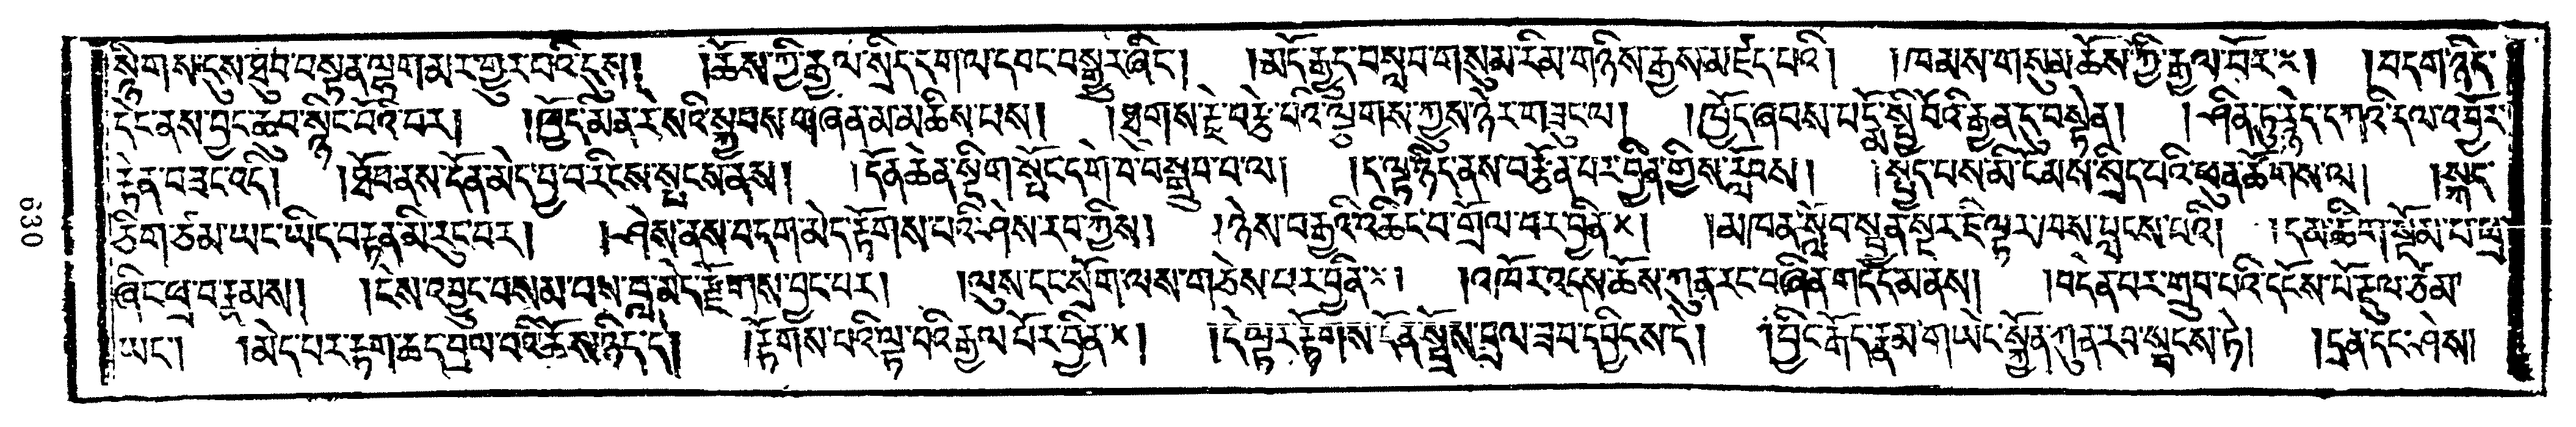སྙིགས་དུས་ཐུབ་བསྟན་ལྷག་མར་གྱུར་བའི་དུས། །ཆོས་ཀྱི་རྒྱལ་སྲིད་དག་ལ་དབང་བསྒྱུར་ཞིང་། །མདོ་རྒྱུད་བསླབ་གསུམ་རིམ་གཉིས་རྒྱས་མཛད་པའི། །ཁམས་གསུམ་ཆོས་ཀྱི་རྒྱལ་བོར་྾། །བདག་ཉིད་
དེང་ནས་བྱང་ཆུབ་སྙིང་པོའི་བར། །ཁྱོད་མིན་རེ་སའི་སྐྱབས་གཞན་མ་མཆིས་པས། །ཐུགས་རྗེ་བརྩེ་བའི་ལྕགས་ཀྱུས་ཉེར་གཟུང་ལ། །ཁྱོད་ཞབས་པདམོ་སྤྱི་བོའི་རྒྱན་དུ་བསྟེན། །ཤིན་ཏུ་རྙེད་དཀའི་དལ་འབྱོར་
རྟེན་བཟང་འདི། །ཐོབ་ནས་དོན་མེད་བྱ་བ་རིངས་སྤངས་ནས། །དོན་ཆེན་སྡིག་སྤོང་དགེ་བ་བསྒྲུབ་བ་ལ། །ད་ལྟ་ཉིད་ནས་བརྩོན་པར་བྱིན་གྱིས་རློབས། །སྤྱད་པས་མི་ངོམས་སྲིད་པའི་ཕུན་ཚོགས་ལ། །སྐད་
ཅིག་ཙམ་ཡང་ཡིད་བརྟན་མི་རུང་བར། །ཤེས་ནས་བདག་མེད་རྟོགས་པའི་ཤེས་རབ་ཀྱིས། །ཉེས་བརྒྱའི་འཆིང་བ་གྲོལ་བར་བྱིན་྾། །མཁན་སློབ་སྤྱན་སྔར་ཇི་ལྟར་ཁས་བླངས་པའི། །དམ་ཚིག་སྡོམ་པ་ཕྲ་
ཞིང་ཕྲ་བ་རྣམས། །ངེས་འབྱུང་བསམ་པས་བླ་མེད་རྫོགས་བྱང་པར། །ལུས་དང་སྲོག་ལས་གཅེས་པར་བྱིན་྾། །འཁོར་འདས་ཆོས་ཀུན་རང་བཞིན་གདོད་མ་ནས། །བདེན་པར་གྲུབ་པའི་དངོས་པོ་རྡུལ་ཙེམ་
ཡང་། །མེད་པར་རྟག་ཆད་བྲལ་བའི་ཆོས་ཉིད་དེ། །རྟོགས་པའི་ལྟ་བའི་རྒྱལ་པོར་བྱིན་྾། །དེ་ལྟར་རྟོགས་དོན་སྤྲོས་བྲལ་ཟབ་དབྱིངས་དེ། །བྱིང་རྒོད་རྣམ་གཡེང་སྐྱོན་ཀུན་རབ་སྤངས་ཏེ། །དྲན་དང་ཤེས།